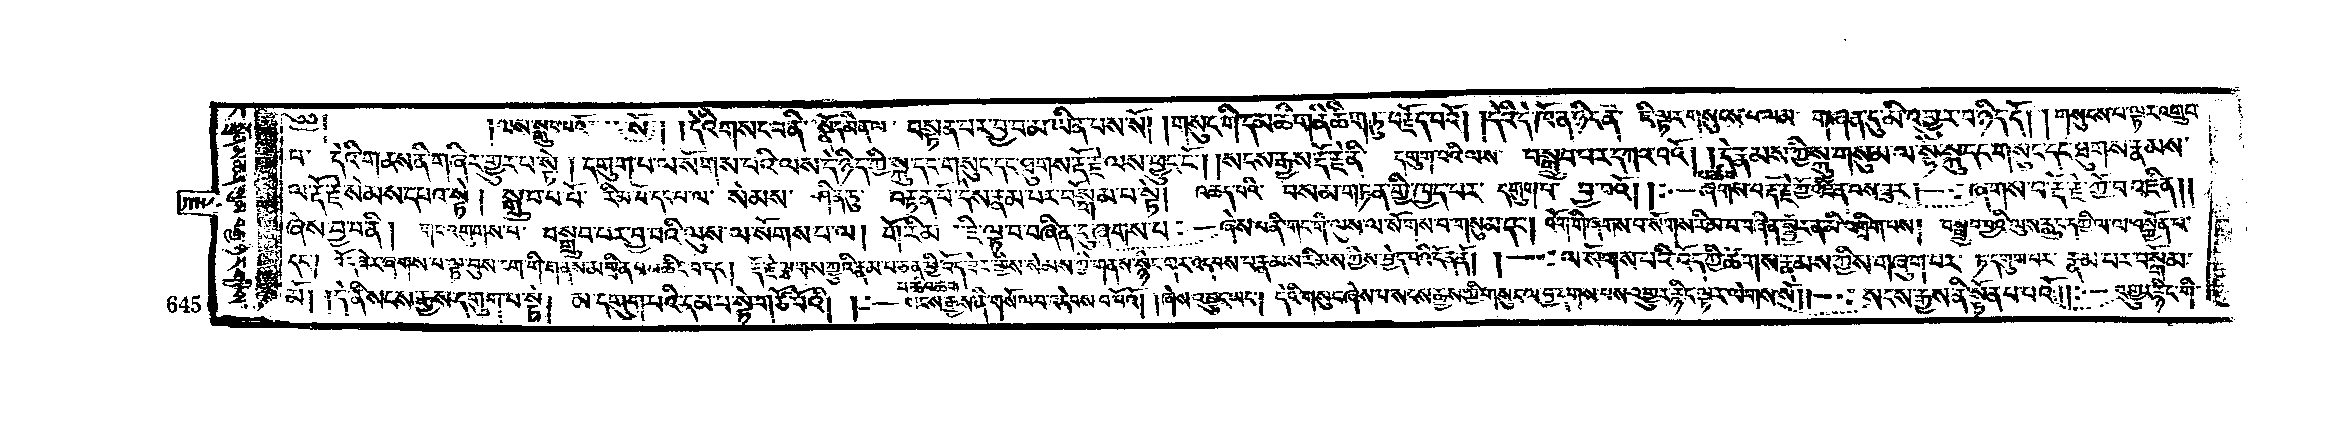༄༅། །ལས་སྒྲུབ་པའོ་སོ། །དེའི་གསང་བ་ནི་སྣོད་མིན་ལ་བསྟན་པར་བྱ་བ་མ་ཡིན་པས་སོ། །གསུང་གི་དམ་ཚིག་ནི་ཚིག་ཏུ་བརྗོད་པའོ། །དེའི་དེ་ཁོ་ན་ཉིད་ནི་ཇི་ལྟར་གསུངས་པ་ལས་གཞན་དུ་མི་འགྱུར་བ་ཉིད་དོ། །གསུངས་པ་ལྟར་འགྲུབ་
པ་དེའི་གནས་ནི་གཞིར་གྱུར་པ་སྟེ། དགུག་པ་ལ་སོགས་པའི་ལས་དེ་ཉིད་ཀྱི་སྐུ་དང་གསུང་དང་ཐུགས་རྡོ་རྗེ་ལས་ཕྱུང་ངོ། །སངས་རྒྱས་རྡོ་རྗེ་ནི་དགུག་པའི་ལས་བསྒྲུབ་པར་དཀའ་བའོ། །དེ་རྣམས་ཀྱི་སྐུ་གསུམ་ལ་སྟེ་སྐུ་དང་གསུང་དང་ཐུགས་རྣམས་
ལ་རྡོ་རྗེ་སེམས་དཔའ་སྟེ། སྒྲུབ་པ་པོ་རིམ་པོ་དང་པ་ལ་སེམས་ཤིན་ཏུ་བརྟན་པོ་དེས་རྣམ་པར་བསྒོམ་པ་སྟེ། འཆད་པའི་བསམ་གཏན་གྱི་ཁྱད་པར་དགུག་པ་བྱ་བའོ། ། H.་པ་ཚབ་ཞགས་པ་རྡོ་རྗེ་ཀྱོ་འཛིན་པས་ཟུང་། .H ཞགས་པ་རྡོ་རྗེ་ཀྱོ་བ་འཛིན། །
ཞེས་བྱ་བ་ནི། གང་འགུགས་པ་བསྒྲུབ་པར་བྱ་བའི་ལུས་ལ་སོགས་པ་ལ། གོ་རིམ་ཇི་ལྟ་བ་བཞིན་དུ་ཞགས་པཿ་ཞེས་པ་ནི་གང་གི་ལུས་ལ་སོགས་པ་གསུམ་དང་། འོག་གི་ཞགས་པ་སོགས་རིམ་པ་བཞིན་སྦྱོར་ན་མི་འགྲིག་པས། བསྒྲུབ་བྱའི་ལུས་རླུང་དཀྱིལ་ལ་བསྐྱོན་པ་
དང་། འོད་ཟེར་ཞགས་པ་ལྟ་བུས་ངག་གི་གནས་མགྲིན་པ་འཆིང་བ་དང་། རྡོ་རྗེ་ལྕགས་ཀྱུའི་རྣམ་པ་ཅན་གྱི་འོད་ཟེར་གྱིས་སེམས་ཀྱི་གནས་སྙིང་གར་འདེབས་པ་རྣམས་རིམས་ཀྱིས་བྱེད་པའི་དོན་ནོ།.H །ལ་སོགས་པའི་འོད་ཀྱི་ཚོགས་རྣམས་ཀྱིས་གཞུག་པར་ཏ་དགུག་པར་རྣམ་པར་བསྒོམ་
མོ། །དེ་ནི་སངས་རྒྱས་དགུག་པ་སྟེ། སྐུ་དགུག་པའི་དམ་པ་སྟེ་གཙོ་བོའི། །H.་ཚབ་ཆག་སངས་རྒྱས་ནི་གསོལ་བ་འདེབས་པ་པོའོ། །ཞེས་འབྱུང་ཡང་། དེའི་གསུང་ཞེས་པ་སངས་རྒྱས་ཀྱི་གསུང་ལ་བྱ་དགོས་པས་འགྱུར་རྙིང་ལྟར་ལེགས་སོ།།  .Hསངས་རྒྱས་ནི་སྟོན་པ་པོའོ། ། H.་འགྱུར་རྙིང་གི་